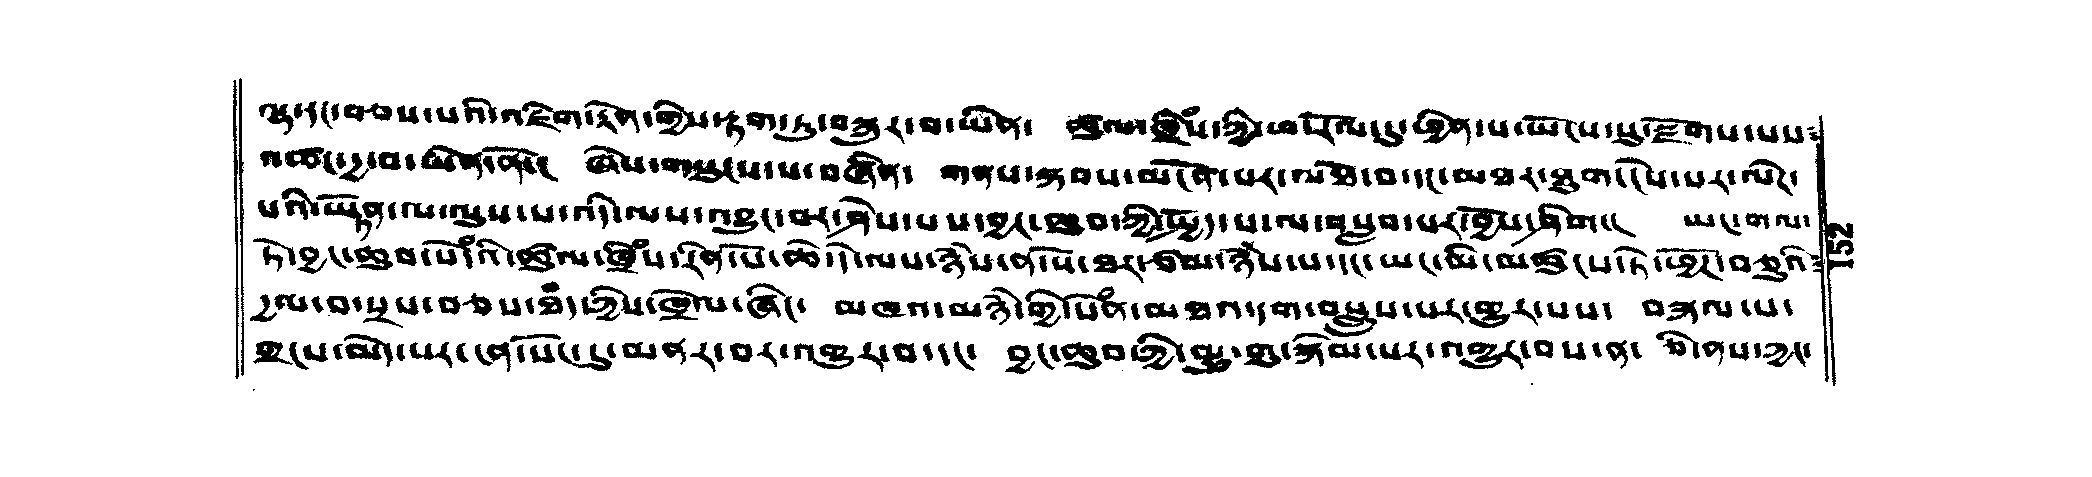ལྷ་དང་བཅས་པའི་འཇིག་རྟེན་གྱིས་རྟག་ཏུ་བསྐུར་བ་ཡིན། ཚུལ་ཁྲིམས་ཀྱི་ཕ་རོལ་དུ་ཕྱིན་པ་ཡོངས་སུ་རྫོགས་པས་
འཚང་རྒྱ་བ་ཡིན་ནོ།ཞེས་གསུངས་པ་བཞིན། གནས་སྐབས་མངོན་པར་མཐོ་བ་དང་མཐར་ཐུག་ངེས་པར་ལེགས་
པའི་ཡོན་ཏན་མ་ལུས་པ་འདི་ལས་འབྱུང་བར་ཤེས་པས་བྱང་ཆུབ་ཀྱི་སྤྱོད་པ་ལ་བསླབ་པར་བྱོས་ཤིག ཡང་གལ་
ཏེ་བྱང་ཆུབ་སེམས་དཔའི་ཚུལ་ཁྲིམས་རིན་པོ་ཆེ་དེ་ལས་ཉམས་ན་སོ་ཐར་ཙམ་ཉམས་པ་དང་ཡང་མི་མཚུངས་ཏེ་ཕྱོགས་བཅུའི་
རྒྱལ་བ་སྲས་བཅས་ཐམས་ཅད་ཀྱིས་ཁྲོལ་ཞིང་། མཁའ་མཉམ་གྱི་སེམས་ཅན་མཐའ་དག་བསླུས་པར་གྱུར་པས། བསྐལ་པ་
གྲངས་མེད་པར་ངན་སོང་ངུ་མནར་བར་འགྱུར་བ་དང་། བྱང་ཆུབ་ཀྱི་མྱུ་གུ་སྐེམ་པར་འགྱུར་བས་ན། ཅི་ནས་ཀྱང་